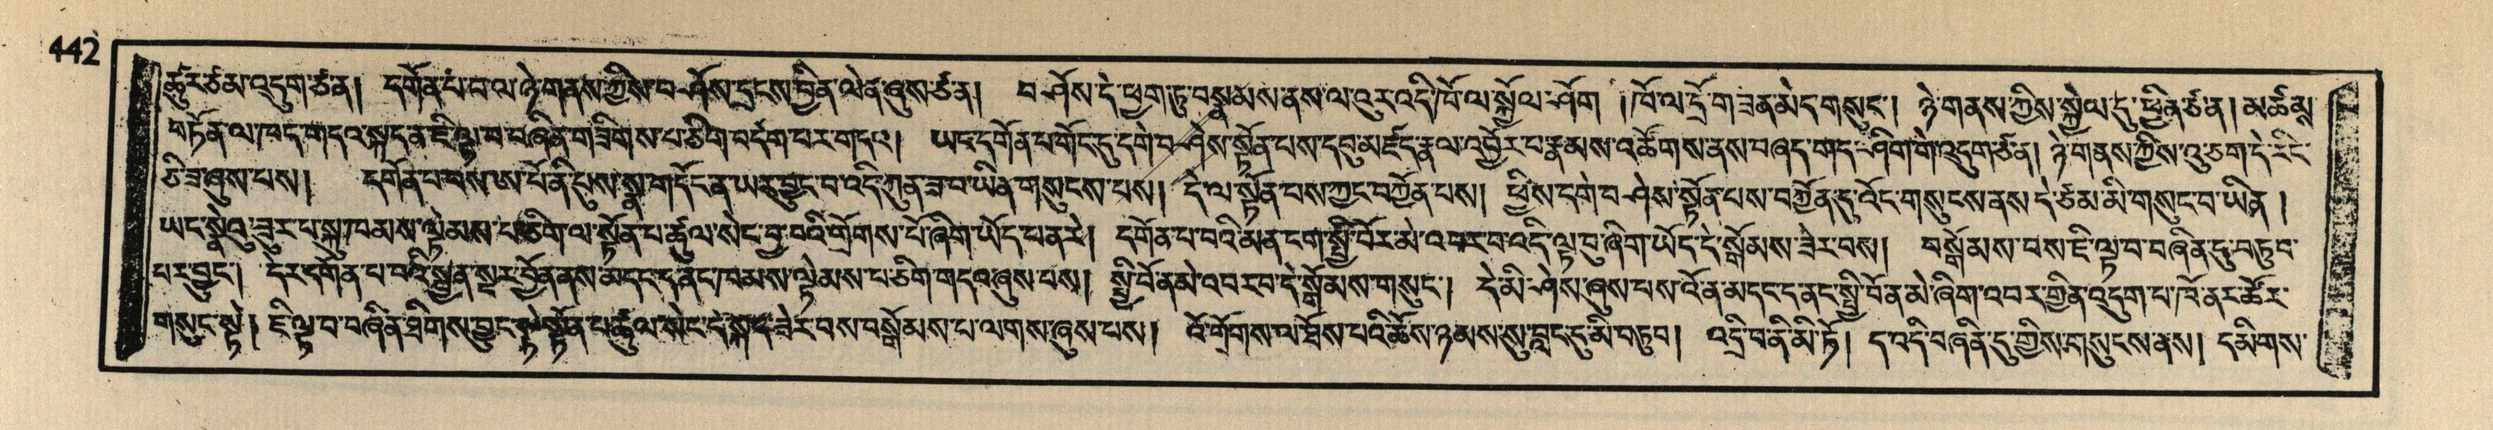ཚུར་ཙམ་འདུག་ཙ་ན། དགོན་པ་བ་ལ་ཉེ་གནས་ཀྱིས་བཤོས་དྲངས་བྱིན་ལེན་ཞུས་ཙ་ན། བཤོས་དེ་ཕྱག་ཏུ་བསྣམས་ནས་ལ་འུར་འདི་ཁོ་ལ་སྐྱོལ་ཤོག །ཁོ་ལ་དྲོ་གཟན་མེད་གསུང་། ཉེ་གནས་ཀྱིས་སྐྱེལ་དུ་ཕྱིན་ཙ་ན། མཚམས་
བཏོན་ལ་ཁད་གདའ་སྐད་ན་ཇི་ལྟ་བ་བཞིན་གཟིགས་པ་ཅིག་བདེག་པར་གདའ། ཡང་དགོན་པ་གོང་དུ་དགེ་བཤེས་སྟོན་པས་དབུ་མཛད་རྣལ་འབྱོར་པ་རྣམས་འཚོགས་ནས་བཞད་གད་ཤིག་གེ་འདུག་ཙ་ན། ཉེ་གནས་ཀྱིས་འུ་ཅག་དེ་རིང་
ཅི་ཟ་ཞུས་པས། དགོན་པ་བས་ཨ་པོ་ནི་པུས་སྣ་གདོང་ན་ཡར་བྱུང་བ་འདི་ཀུན་ཟ་བ་ཡིན་གསུངས་པས། དེ་ལ་སྟོན་པས་ཀྱང་བཀྱོན་པས། ཕྱིས་དགེ་བཤེས་སྟོན་པས་བཀྱོན་དུ་འོང་གསུངས་ནས་དེ་ཙམ་མི་གསུང་བ་ཡིན་།
ཡང་སྣེའུ་ཟུར་པ་སྐུ་ཁམས་ལྟེམས་པ་ཅིག་ལ་སྟོན་པ་ཚུལ་སེང་བྱ་བའི་གྲོགས་པོ་ཞིག་ཡོད་པན་རེ། དགོན་པ་བའི་མན་ངག་སྤྱི་བོར་མེ་འབར་བ་འདི་ལྟ་བུ་ཞིག་ཡོད་དེ་སྒོམས་ཟེར་བས། བསྒོམས་བས་ཇི་ལྟ་བ་བཞིན་དུ་བཏུབ་
པར་བྱུང་། དེར་དགོན་པ་བའི་སྦྱན་སྔར་བྱོན་ནས་མདང་ད་ནང་ཁམས་ལྟེམས་པ་ཅིག་གདབ་ཞུས་པས། སྤྱི་བོ་ན་མེ་འབར་བ་དེ་སྒོམས་གསུང་། དེ་མི་ཤེས་ཞུས་པས་འོ་ན་མདང་ད་ནང་སྤྱི་བོ་ན་མེ་ཞིག་འབར་གྱིན་འདུག་པ་ཁོ་ནར་ཚོར་
གསུང་སྟེ། ཇི་ལྟ་བ་བཞིན་ཐིགས་བྱུང་སྟེ་སྟོན་པ་ཚུལ་སེང་དེ་སྐད་ཟེར་བས་བསྒོམས་པ་ལགས་ཞུས་པས། འོ་གྲོགས་ལ་ཐོས་པའི་ཆོས་ཉམས་སུ་བླང་དུ་མི་བཏུབ། འདྲི་བ་ནི་མི་ཏོ། ད་འདི་བཞིན་དུ་གྱིས་གསུངས་ནས། དམིགས་